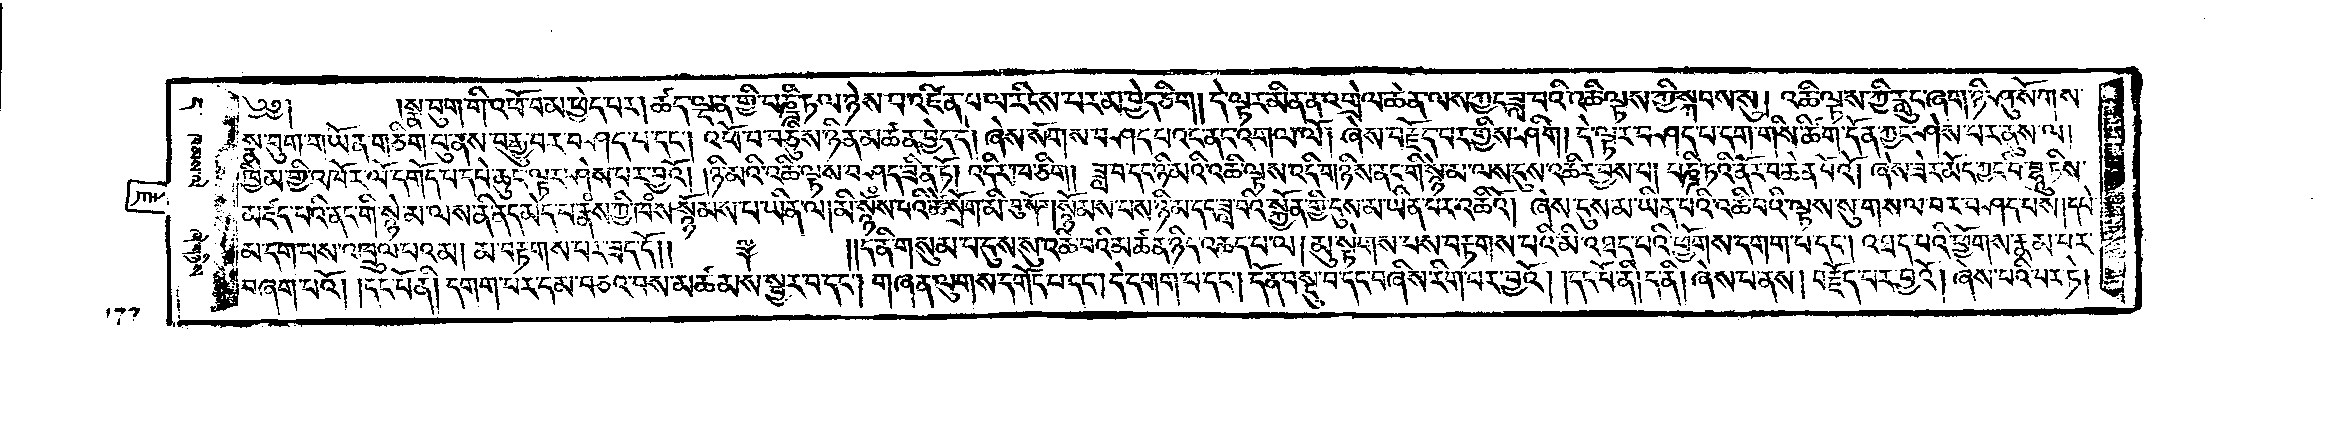༄༅། །སྣ་བུག་གི་འཕོ་བ་མ་ཕྱེད་པར། ཚད་ལྡན་གྱི་པཎྜི་ཏ་ལ་ཉེས་པ་འཛིན་པ་ལ་རིངས་པར་མ་བྱེད་ཅིག །དེ་ལྟར་མིན་ན་འགྲེལ་ཆེན་ལས་ཀྱང་ཟླ་བའི་འཆི་ལྟས་ཀྱི་སྐབས་སུ། འཆི་ལྟས་ཀྱི་རླུང་ཞག་ཉི་ཤུ་སོགས་
སྣ་བུག་གཡོན་གཅིག་པུ་ནས་བརྒྱུ་བར་བཤད་པ་དང་། འཕོ་བ་བཅུ་གཉིས་ཉིན་མཚན་བྱེད་དེ། ཞེས་སོགས་བཤད་པའང་ནང་འགལ་ལོ། ཞེས་བརྗོད་པར་གྱིས་ཤིག །དེ་ལྟར་བཤད་པ་དག་གིས་ཚིག་དོན་ཀྱང་ཤེས་པར་ནུས་ལ།
ཁྱིམ་གྱི་འཁོར་ལོ་དགོད་པ་དཔེ་ཆུང་ལྟར་ཤེས་པར་བྱའོ། །ཉི་མའི་འཆི་ལྟས་བཤད་ཟིན་ཏོ། འདིར་ཁ་ཅིག །ཟླ་བ་དང་ཉི་མའི་འཆི་ལྟས་འདི་གཉིས་ནང་གི་སྙེ་མ་ལས་དུས་འཆིར་བྱས་པ། པཎྜི་ཏའི་ནོར་བ་ཆེན་པོའོ། །ཞེས་ཟེར་མོད་ཀྱང་བི་བྷཱུ་ཏིས་
མཛད་པའི་ནང་གི་སྙེ་མ་ལས་ནི་ནད་མེད་པ་རྣམས་ཀྱི་ཁམས་སྙོམས་པ་ཡིན་ལ། མི་སྙོམས་པའི་ཚེ་སྲོག་མི་བུ་སོགས། སྙོམས་པས་ཉི་མ་དང་ཟླ་བའི་སྐྱོན་གྱི་དུས་མ་ཡིན་པར་འཆིའོ། ཞེས་དུས་མ་ཡིན་པའི་འཆི་བའི་ལྟས་སུ་གསལ་བར་བཤད་པས། དཔེ་
མ་དག་པས་འཁྲུལ་པའམ། མ་བརྟགས་པར་ཟད་དོ།། ༈ །།ད་ནི་གསུམ་པ་དུས་སུ་འཆི་བའི་མཚན་ཉིད་འཆད་པ་ལ། མུ་སྟེགས་པས་བརྟགས་པའི་མི་འཐད་པའི་ཕྱོགས་དགག་པ་དང་། འཐད་པའི་ཕྱོགས་རྣམ་པར་
བཞག་པའོ། །དང་པོ་ནི། དགག་པར་དམ་བཅའ་བས་མཚམས་སྦྱར་བ་དང་། གཞན་ལུགས་དགོད་པ་དང་། དེ་དགག་པ་དང་། དོན་བསྡུ་བ་དང་བཞིས་རིག་པར་བྱའོ། །དང་པོ་ནི། ད་ནི། ཞེས་པ་ནས། བརྗོད་པར་བྱའོ། ཞེས་པའི་པར་ཏེ།